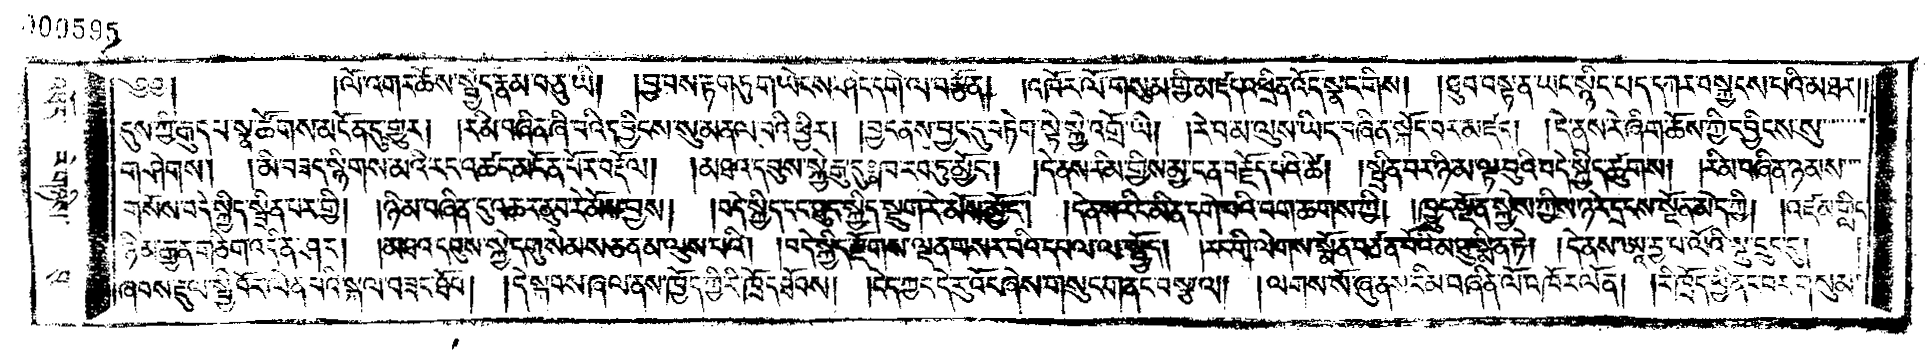༄༅། །ལོ་འགར་ཆོས་སྤྱོད་རྣམ་བཅུ་ཡི། །བྱ་བས་རྟག་ཏུ་གཡེངས་ཤིང་དགེ་ལ་བརྩོན། །འཁོར་ལོ་གསུམ་གྱི་མཛད་འཕྲིན་འོད་སྣང་གིས། །ཐུབ་བསྟན་ཡང་སྙིང་པད་དཀར་བསྐྱངས་པའི་མཐར། །
དུས་ཀྱི་རྒུད་པ་སྣ་ཚོགས་མངོན་དུ་གྱུར། །རིམ་བཞིན་ཞི་བའི་དབྱིངས་སུ་མནལ་བའི་ཕྱིར། །བྱང་ནས་བྱང་དུ་བཏེག་སྟེ་སྐྱེ་འགྲོ་ཡི། །རེ་བ་མ་ལུས་ཡིད་བཞིན་སྐོང་བར་མཛད། །དེ་ནས་རེ་ཞིག་ཆོས་ཀྱི་དབྱིངས་སུ་
གཤེགས། །མི་བཟད་སྙིགས་མའི་རང་འཚང་མངོན་པོར་བརྡོལ། །མཐའ་དབུས་སྐྱེ་རྒུ་དུཿ ཁ་རབ་ཏུ་མྱོང་། །དེ་ནས་རིམ་གྱིས་མྱ་ངན་བརྗོད་པའི་ཚེ། །སྤྲིན་བར་ཉི་མ་ལྟ་བུའི་བདེ་སྐྱིད་ཚུགས། །རིམ་བཞིན་ཉམས་
གསོས་བདེ་སྐྱིད་སྤྲིན་པར་གྱི། །ཉི་མ་བཞིན་དུ་འཆར་ནུབ་རེ་མོས་བྱས། །བདེ་སྐྱིད་ངང་ཐུང་སྐྱིད་སྡུག་རེ་མོས་མྱོང་། །དེ་ནས་རིང་མིན་དགེ་བའི་བག་ཆགས་ཀྱི། །ཁྱུང་སྔོན་སྐྱེས་ཀྱིས་ཉེར་དྲངས་སྔོན་མེད་ཀྱི། །འཛམ་གླིང་
ཉི་མ་རྒྱན་གཅིག་འདི་ན་ཤར། །མཐའ་དབུས་སྐྱེ་དགུ་སེམས་ཅན་མ་ལུས་པའི། །བདེ་སྐྱིད་རྫོགས་ལྡན་གསར་བའི་དཔལ་ལ་སྤྱོད། །རང་གི་ལེགས་སྨོན་བཙན་པོའི་མཐུ་སྨིན་ཏེ། །དེ་ནས་ཨཱ་རྱ་པ་ལོའི་སྐུ་དྲུང་དུ། །
ཞབས་རྡུལ་སྤྱི་བོར་ལེན་པའི་སྐལ་བཟང་ཐོབ། །དེ་སྐབས་ཞལ་ནས་ཁྱོད་ཀྱི་རི་ཁྲོད་ཐོབས། །ངེད་ཀྱང་དེ་རུ་འོང་ཞེས་གསུང་གནང་བསྩལ། །ལགས་སོ་ཞུ་ནས་རིམ་བཞིན་ལོ་འཁོར་ལོན། །རི་ཁྲོད་ཕྱི་ནང་བར་གསུམ་